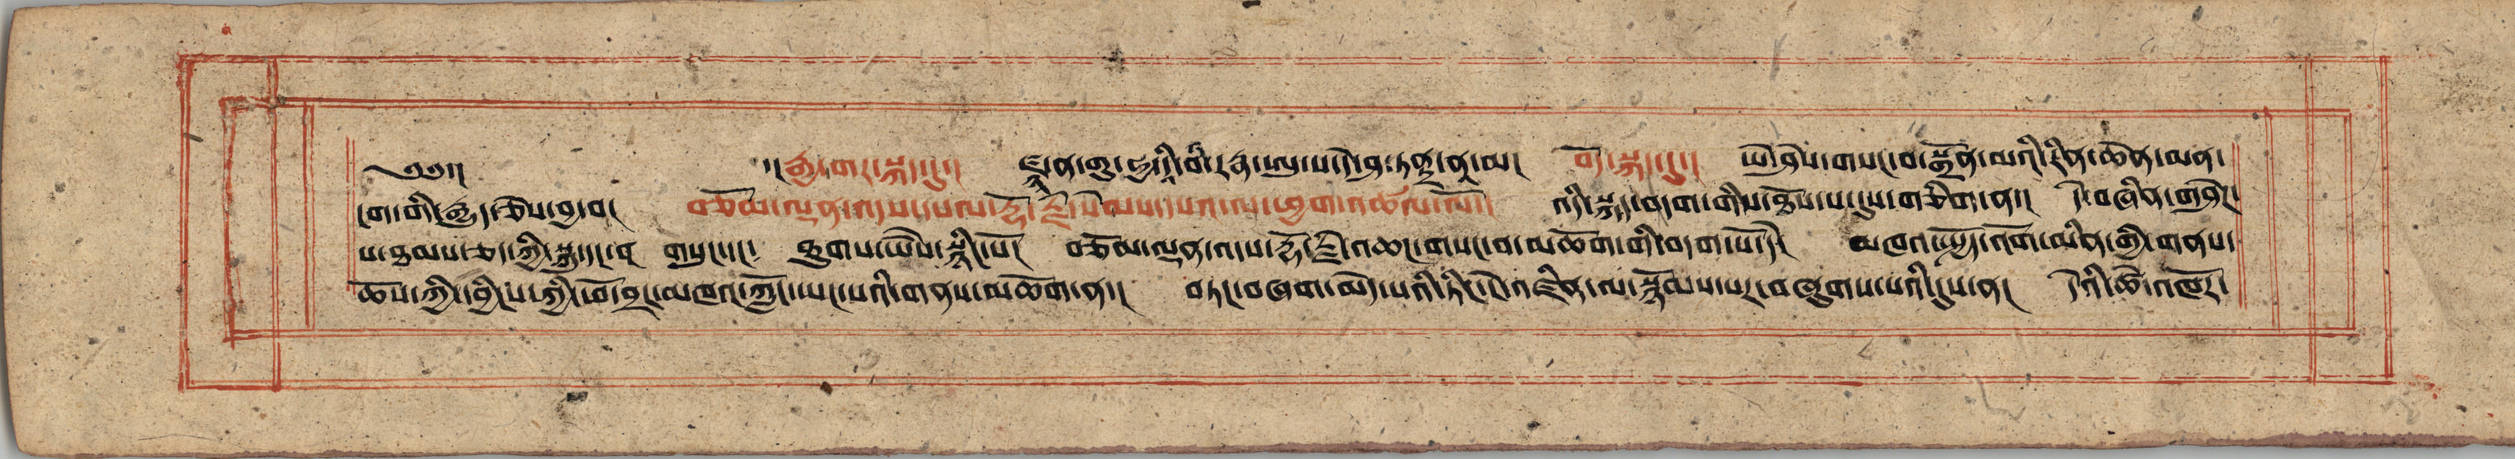༄༅་། ་།རྒྱ་གར་སྐད་དུ། ཛྙ་ན་གུ་ཧྱ་དཱི་བི་རཏྣ་ཨུ་པ་དེ་ཤ་ཏནྟྲ་ནཱ་མ། བོད་སྐད་དུ་། ཡེ་ཤེས་གསང་བ་སྒྲོན་མའི་རིན་ཆེན་མན་
ངག་གི་རྒྱུད་ཅེས་བྱ་བ། བཅོམ་ལྡན་འདས་དཔལ་རྡོ་རྗེ་སེམས་དཔའ་ལ་ཕྱག་འཚལ་ལོ་། འདི་སྐད་བདག་གིས་ཐོས་པ་དུས་གཅིག་ན་། དེ་བཞིན་གཤེཌ་
པ་ཐམས་ཅད་ཀྱི་སྐུ་དང་བ གསུང་དང༴ ཐུགས་ཡཻས་སྙིང་པོ། བཅོམ་ལྡན་འདས་རྡོ་རྗེ་འཆང་གསང་བ་མཆོག་གི་བདག་པོ་དེ། མཁའ་སྤྱོད་འོག་མིན་གྱི་གནས་
ཆོས་ཀྱི་དབྱིངས་ཀྱི་ཕོ་བྲང་མཁའ་ཀློང་ཡང་པའི་གནས་མཆོག་ན་། བཏང་བཞག་མེད་པའི་ཏིང་ངེ་འཛིན་ལ་སྙོམས་པར་བཞུགས་པའི་དུས་ན་། དེའི་ཚེ་འཁོར་